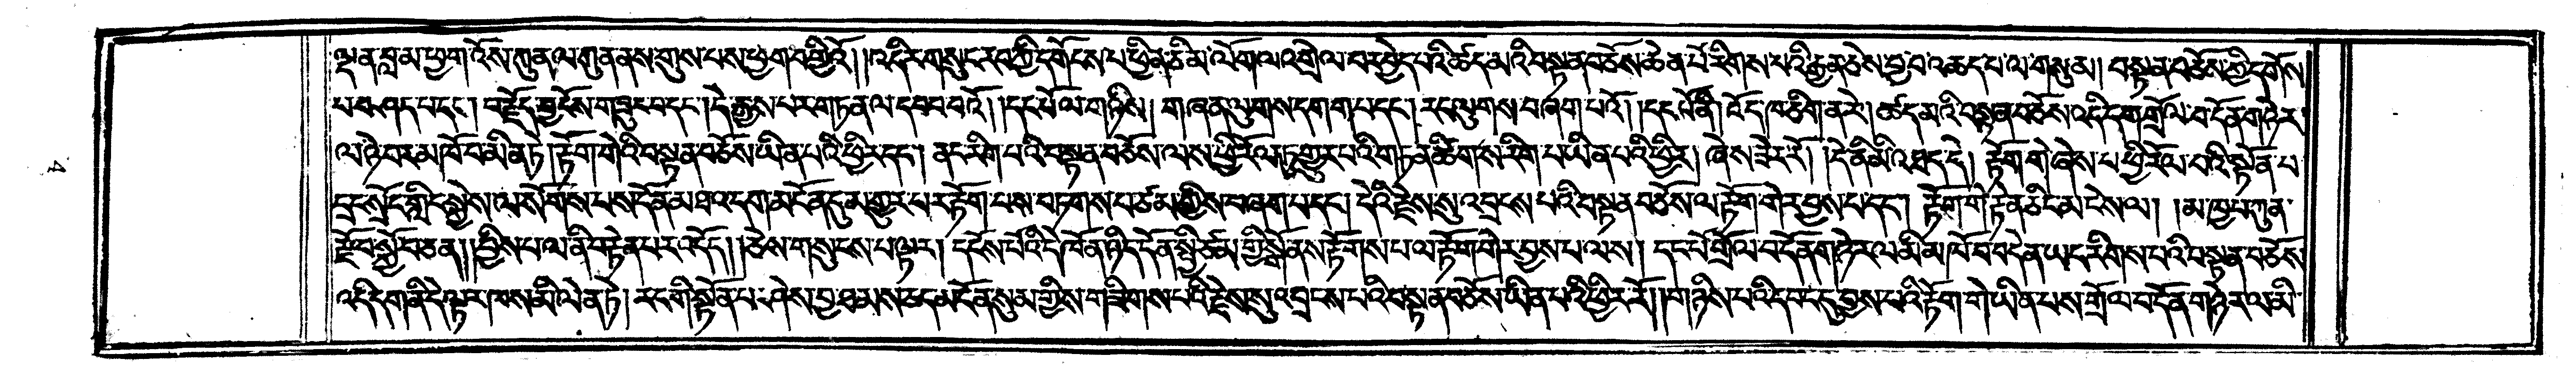ལྡན་བླ་མ་ཕྱག་ངོས་ཀུན་ལ་ཀུན་ནས་གུས་པས་ཕྱག་བགྱིའོ། །འདིར་གསུང་རབ་ཀྱི་དགོངས་པ་ཕྱིན་ཅི་མ་ལོག་པ་འགྲེལ་པར་བྱེད་པའི་ཚད་མའི་བསྟན་བཅོས་ཆེན་པོ་རིགས་པའི་རྒྱན་ཅེས་བྱ་བ་འཆད་པ་ལ་གསུམ། བསྟན་བཅོས་ཀྱི་དགོས་
པ་བཤད་པ་དང་། བརྗོད་བྱ་ངོས་གཟུང་བ་དང་། དེ་རྒྱས་པར་གཏན་ལ་དབང་བའོ། །དང་པོ་ལ་གཉིས། གཞན་ལུགས་དགག་པ་དང་། རང་ལུགས་བཞག་པའོ། །དང་པོ་ནི། བོད་ཁ་ཅིག་ན་རེ། ཚད་མའི་བསྟན་བཅོས་འདི་དག་གྲོལ་བ་དོན་གཉེར་
ལ་ཉེ་བར་མཁོ་བ་མིན་ཏེ། རྟོག་གེའི་བསྟན་བཅོས་ཡིན་པའི་ཕྱིར་དང་། ནང་རིག་པའི་བསྟན་བཅོས་ལས་ཕྱི་རོལ་ཏུ་གྱུར་པའི་གཏན་ཚིགས་རིག་པ་ཡིན་པའི་ཕྱིར། ཞེས་ཟེར་རོ། །དེ་ནི་མི་འཐད་དེ། རྟོག་གེ་ཞེས་པ་ཕྱི་རོལ་པའི་སྟོན་པ་
དྲང་སྲོང་གླིང་སྐྱེས་ལ་སོགས་པས་དོན་མཐའ་དག་མངོན་དུ་མ་གྱུར་བར་རྟོག་པས་བཏགས་བཙམ་གྱིས་བཞག་པ་དང་། དེའི་རྗེས་སུ་འབྲངས་པའི་བསྟན་བཅོས་ལ་རྟོག་གེར་བྱས་པ་དང་། རྟོག་གེ་རྟེན་ཅིང་མ་ངེས་ལ། །མ་ཁྱབ་ཀུན་
རྫོབ་སྐྱོ་བ་ཅན། །བྱིས་པ་ལ་ནི་བརྟེན་པར་འདོད། །ཅེས་གསུངས་པ་ལྟར། དངོས་པོའི་དེ་ཁོ་ན་ཉིད་དོན་སྤྱི་ཙམ་གྱི་སྒོ་ནས་རྟོགས་པ་ལ་རྟོག་གེར་བྱས་པ་ལས། དང་པོ་གྲོལ་བ་དོན་གཉེར་ལ་མི་མཁོ་?་བ་བདེན་ཡང་རིགས་པའི་བསྟན་བཅོས་
འདི་དག་ནི་དེ་ལྟར་ཁས་མི་ལེན་ཏེ། རང་གི་སྟོན་པ་ཤེས་བྱ་ཐམས་ཅད་མངོན་སུམ་གྱིས་གཟིགས་པའི་རྗེས་སུ་འབྲངས་པའི་བསྟན་བཅོས་ཡིན་པའི་ཕྱིར་རོ། །གཉིས་པའི་དབང་དུ་བྱས་པའི་རྟོག་གེ་ཡིན་པས་གྲོལ་བ་དོན་གཉེར་ལ་མི་